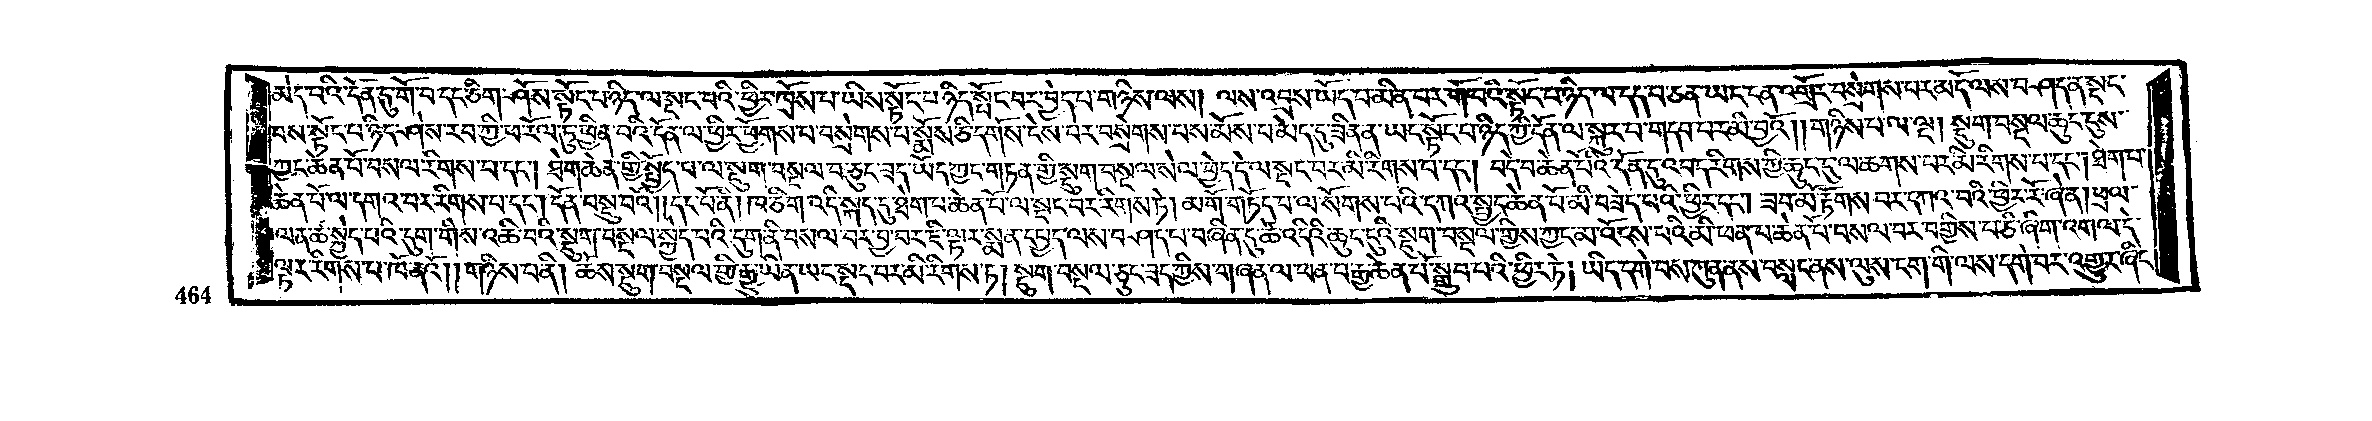མེད་པའི་དོན་དུ་གོ་བ་དང་ཅིག་ཤོས་སྟོང་པ་ཉིད་ལ་སྡང་བའི་ཕྱིར་ཁྲོས་པ་ཡིས་སྟོང་པ་ཉིད་སྤོང་བར་བྱེད་པ་གཉིས་ལས། ལས་འབྲས་ཡོད་པ་མིན་པར་གོ་བའི་སྟོང་པ་ཉིད་ལ་དད་པ་ཅན་ཡང་ངན་འགྲོར་བསྲེགས་པར་མདོ་ལས་བཤད་ན་སྡང་
བས་སྟོང་པ་ཉིད་ཤེས་རབ་ཀྱི་ཕ་རོལ་ཏུ་ཕྱིན་པའི་དོན་ལ་ཕྱིར་ཕྱོགས་པ་བསྲེགས་པ་སྨོས་ཅི་དགོས་ངེས་པར་བསྲེགས་པས་མོས་པ་མེད་དུ་ཟིན་ན་ཡང་སྟོང་པ་ཉིད་ཀྱི་དོན་ལ་སྐུར་བ་གདབ་པར་མི་བྱའོ། །གཉིས་པ་ལ་ལྔ། སྡུག་བསྔལ་ཆུང་ངུས་
ཀྱང་ཆེན་པོ་བསལ་རིགས་པ་དང་། ཐེག་ཆེན་གྱི་སྤྱོད་པ་ལ་སྡུག་བསྔལ་བ་ཅུང་ཟད་ཡོད་ཀྱང་གཏན་གྱི་སྡུག་བསྔལ་སེལ་ཕྱེད་དེ་ལ་སྡང་བར་མི་རིགས་པ་དང་། བདེ་བ་ཆེན་པོའི་དོན་དུ་འབད་རིགས་ཀྱི་ཆུང་ངུ་ལ་ཆགས་པར་མི་རིགས་པ་དང་། ཐེག་པ་
ཆེན་པོ་ལ་དགའ་བར་རིགས་པ་དང་། དོན་བསྡུ་བའོ། །དང་པོ་ནི། ཁ་ཅིག་འདི་སྐད་དུ་ཐེག་པ་ཆེན་པོ་ལ་སྡང་བར་རིགས་ཏེ། མགོ་གཏོད་པ་ལ་སོགས་པའི་དཀའ་སྤྱད་ཆེན་པོ་མི་བཟོད་པའི་ཕྱིར་དང་། ཟབ་མོ་རྟོགས་པར་དཀའ་བའི་ཕྱིར་རོ་ཞེ་ན། ཕྲལ་
ལན་ཚ་སྐྱེད་པའི་དུག་གིས་འཆི་བའི་སྡུག་བསྔལ་སྐྱེད་པའི་དུག་ནི་བསལ་བར་བྱ་བར་ཇི་ལྟར་སྨན་དཔྱད་ལས་བཤད་པ་བཞིན་དུ་ཚེ་འདིའི་ཆུང་ངུའི་སྡུག་བསྔལ་གྱིས་ཀྱང་མ་འོངས་པའི་མི་ཕན་པ་ཆེན་པོ་བསལ་བར་བགྱིས་པ་ཅི་ཞིག་འགལ་དེ་
ལྟར་རིགས་པ་ཁོ་ནའོ། །གཉིས་པ་ནི། ཆོས་སྡུག་བསྔལ་གྱི་རྒྱུ་ཡིན་ཡང་སྡང་བར་མི་རིགས་ཏེ། སྡུག་བསྔལ་ཅུང་ཟད་ཀྱིས་གཞན་ལ་ཕན་པ་རྒྱ་ཆེན་པོ་སྒྲུབ་པའི་ཕྱིར་ཏེ། ཡིད་དགེ་བས་ཀུན་ནས་བསླང་ནས་ལུས་ངག་གི་ལས་དགེ་བར་འགྱུར་ཞིང་།